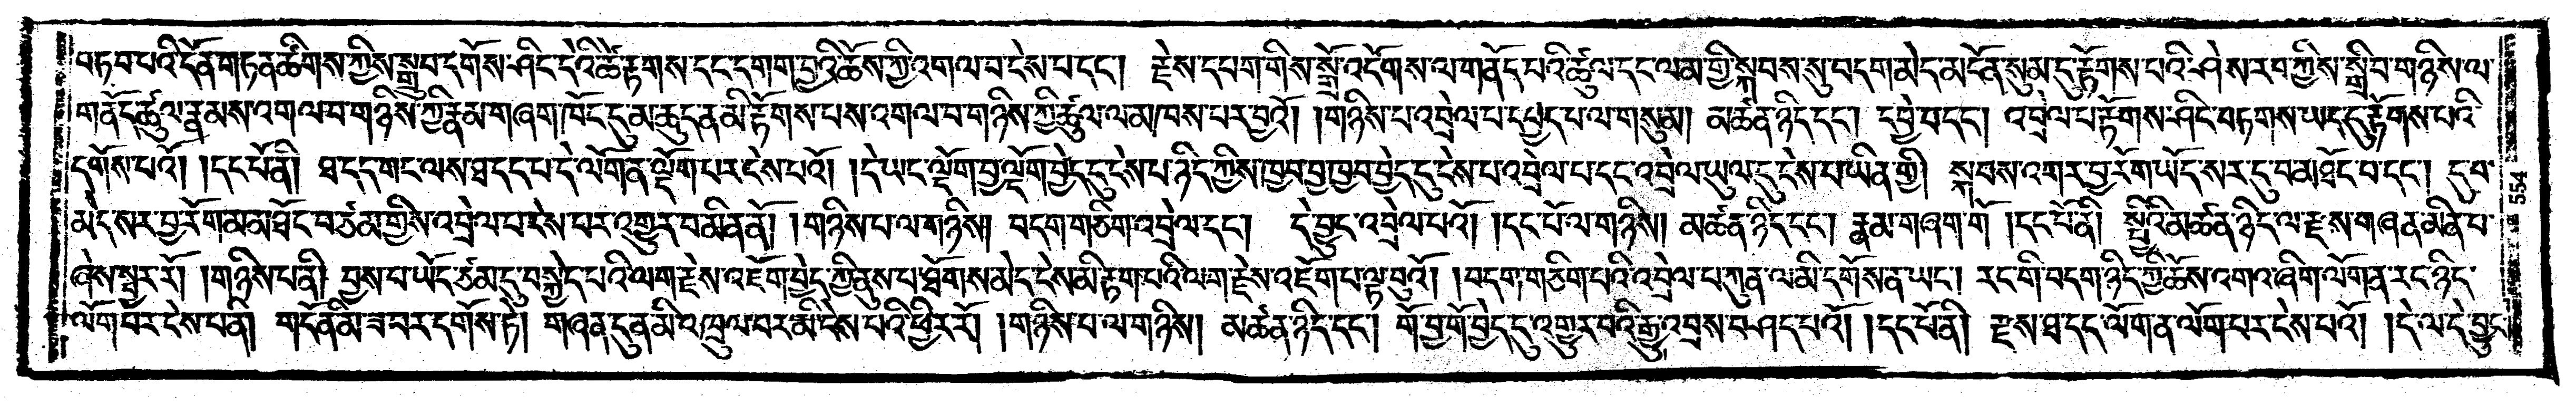བཏབ་པའི་དོན་གཏན་ཚིགས་ཀྱིས་སྒྲུབ་དགོས་ཤིང་དེའི་ཚེ་རྟགས་དང་དགག་བྱའི་ཆོས་ཀྱི་འགལ་བ་ངེས་པ་དང་། རྗེས་དཔག་གིས་སྒྲོ་འདོགས་ལ་གནོད་པའི་ཚུལ་དང་ལམ་གྱི་སྐབས་སུ་བདག་མེད་མངོན་སུམ་དུ་རྟོགས་པའི་ཤེས་རབ་ཀྱིས་སྒྲིབ་གཉིས་ལ་
གནོད་ཚུལ་རྣམས་འགལ་བ་གཉིས་ཀྱི་རྣམ་གཞག་ཁོང་དུ་མ་ཆུད་ན་མི་རྟོགས་པས་འགལ་བ་གཉིས་ཀྱི་ཚུལ་ལ་མཁས་པར་བྱའོ། །གཉིས་པ་འབྲེལ་པ་དཔྱད་པ་ལ་གསུམ། མཚན་ཉིད་དང་། དབྱེ་བ་དང་། འབྲེལ་པ་རྟོགས་ཤིང་བཏགས་ཡང་དུ་རྟོགས་པའི་
དགོས་པའོ། །དང་པོ་ནི། ཐ་དད་གང་ལས་ཐ་དད་པ་དེ་ལོག་ན་ལྡོག་པར་ངེས་པའོ། །དེ་ཡང་ལྡོག་བྱ་ལྡོག་བྱེད་དུ་ངེས་པ་ཉིད་ཀྱིས་ཁྱབ་བྱ་ཁྱབ་བྱེད་དུ་ངེས་པ་འབྲེལ་པ་དང་འབྲེལ་ཡུལ་དུ་ངེས་པ་ཡིན་གྱི། སྐབས་འགར་བྱ་རོག་ཡོད་སར་དུ་བ་མཐོང་བ་དང་། དུ་བ་
མེད་སར་བྱ་རོག་མ་མཐོང་བ་ཙམ་གྱིས་འབྲེལ་པ་ངེས་པར་འགྱུར་བ་མིན་ནོ། །གཉིས་པ་ལ་གཉིས། བདག་གཅིག་འབྲེལ་དང་། དེ་བྱུང་འབྲེལ་པའོ། །དང་པོ་ལ་གཉིས། མཚན་ཉིད་དང་། རྣམ་གཞག་གོ །དང་པོ་ནི། སྤྱིའི་མཚན་ཉིད་ལ་རྫས་གཞན་མིན་པ་
ཞེས་སྦྱར་རོ། །གཉིས་པ་ནི། བྱས་པ་ཡོད་ཙམ་དུ་བསྐྱེད་པའི་ལག་རྗེས་འཇོག་བྱེད་ཀྱི་ནུས་པ་ཐོགས་མེད་དེས་མི་རྟག་པའི་ལག་རྗེས་འཇོག་པ་ལྟ་བུའོ། །བདག་གཅིག་པའི་འབྲེལ་པ་ཀུན་ལ་མི་དགོས་ན་ཡང་། རང་གི་བདག་ཉིད་ཀྱི་ཆོས་འགའ་ཞིག་ལོག་ན་རང་ཉིད་
ལོག་པར་ངེས་པ་ནི། གདོན་མི་ཟ་བར་དགོས་ཏེ། གཞན་དུ་ན་མི་འཁྲུལ་བར་མི་ངེས་པའི་ཕྱིར་རོ། །གཉིས་པ་ལ་གཉིས། མཚན་ཉིད་དང་། གོ་བྱ་གོ་བྱེད་དུ་འགྱུར་བའི་རྒྱུ་འབྲས་བཤད་པའོ། །དང་པོ་ནི། རྫས་ཐ་དད་ལོག་ན་ལོག་པར་ངེས་པའོ། །དེ་ལ་དེ་བྱུང་